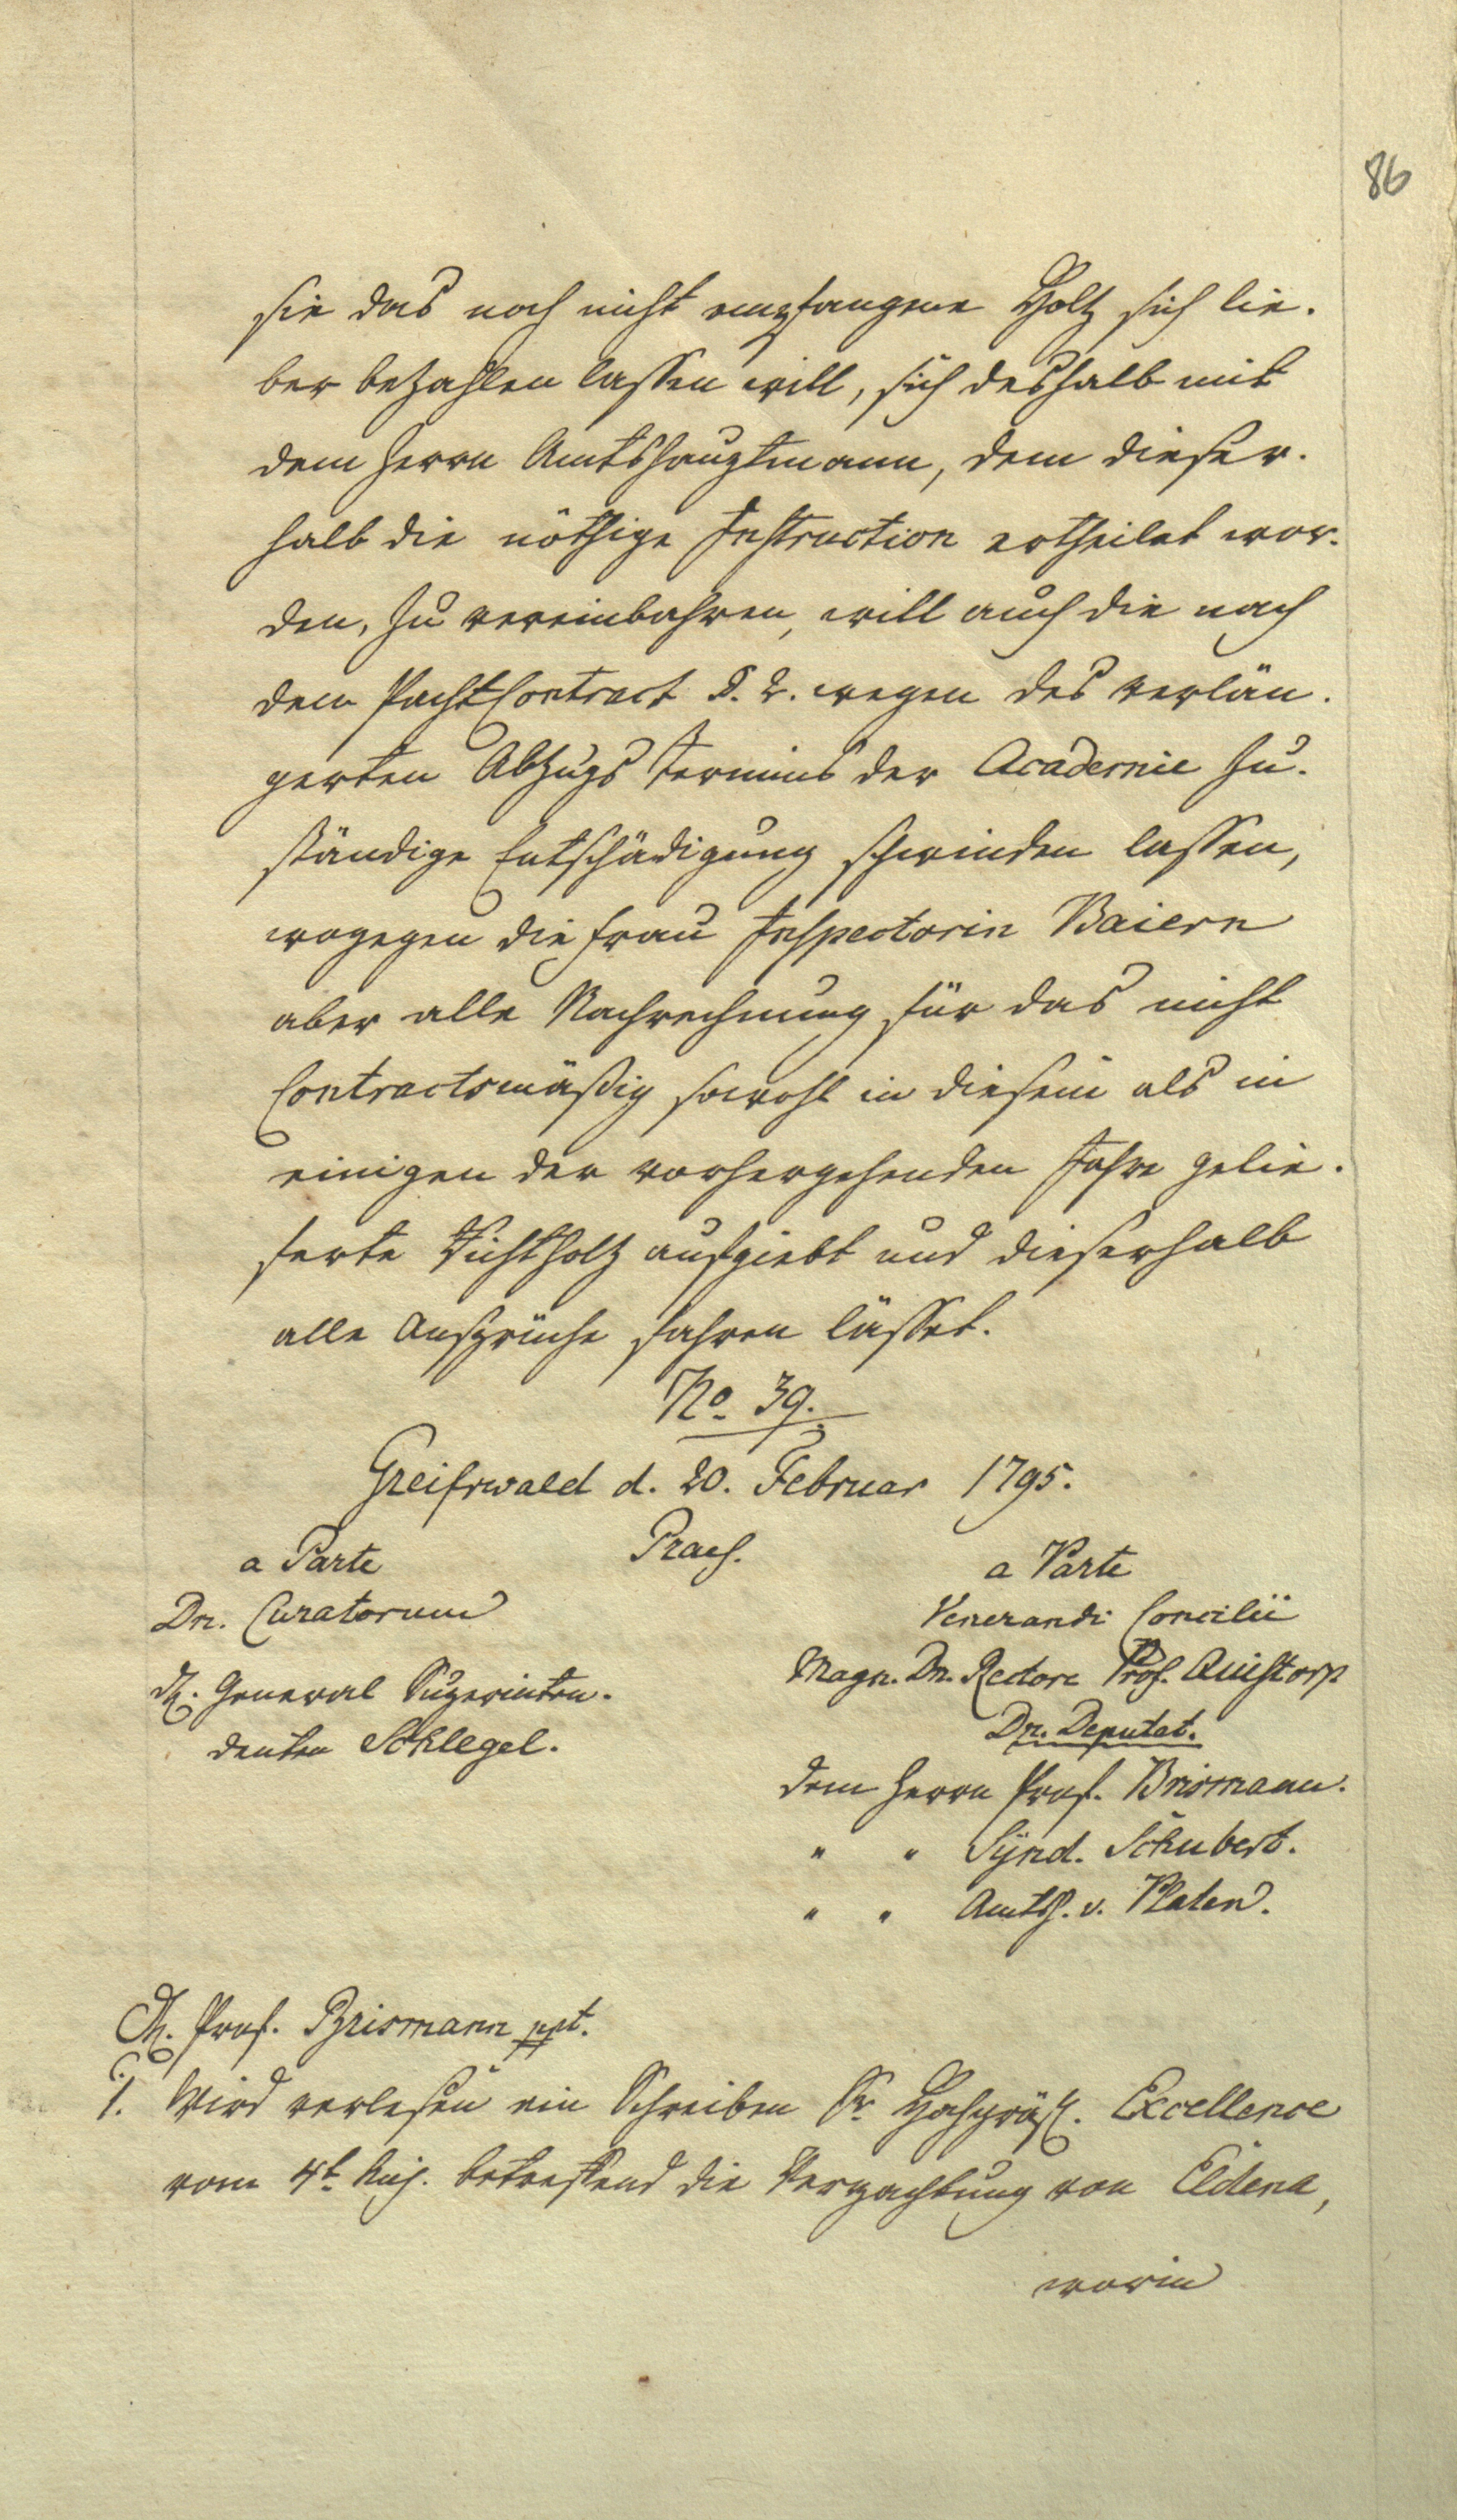sie das noch nicht empfangene Holz sich lie¬
ber bezahlen lassen will, sich deshalb mit
dem Herrn Amtshauptmann, dem dieser¬
halb die nöthige Instruction ertheilet wor¬
den, zu vereinbahren, will auch die nach
dem PachtContract §. 2. wegen des verlän¬
gerten Abzugs Termins der Academie zu¬
ständige Entschädigung schwinden lassen,
wogegen die Frau Inspectorin Baiern
aber alle Nachrechnung für das nicht
Contractsmäßig sowohl in diesem als in
einigen der vorhergehenden Jahre gelie¬
ferte Richtholz aufgiebt und dieserhalb
alle Ansprüche fahren lässet.
No 39.
Greifswald d. 20. Februar 1795.
Praes.
a Parte a Parte
Dn. Curatorum Venerandi Concilii
Magn. Dn. Rectore Prof. Quistorp
dh. General Superinten¬
denten Schlegel.
Dn. Deputat.
dem Herrn Prof. Brismann.
Sÿnd. Schubert.
Amtsh. v. Platen.
dh. Prof. Bismann ppt.
1. Wird verlesen ein Schreiben Sr Hochgräfl. Excellence
vom 4 t. huj. betreffend die Verpachtung von Eldena,
worin